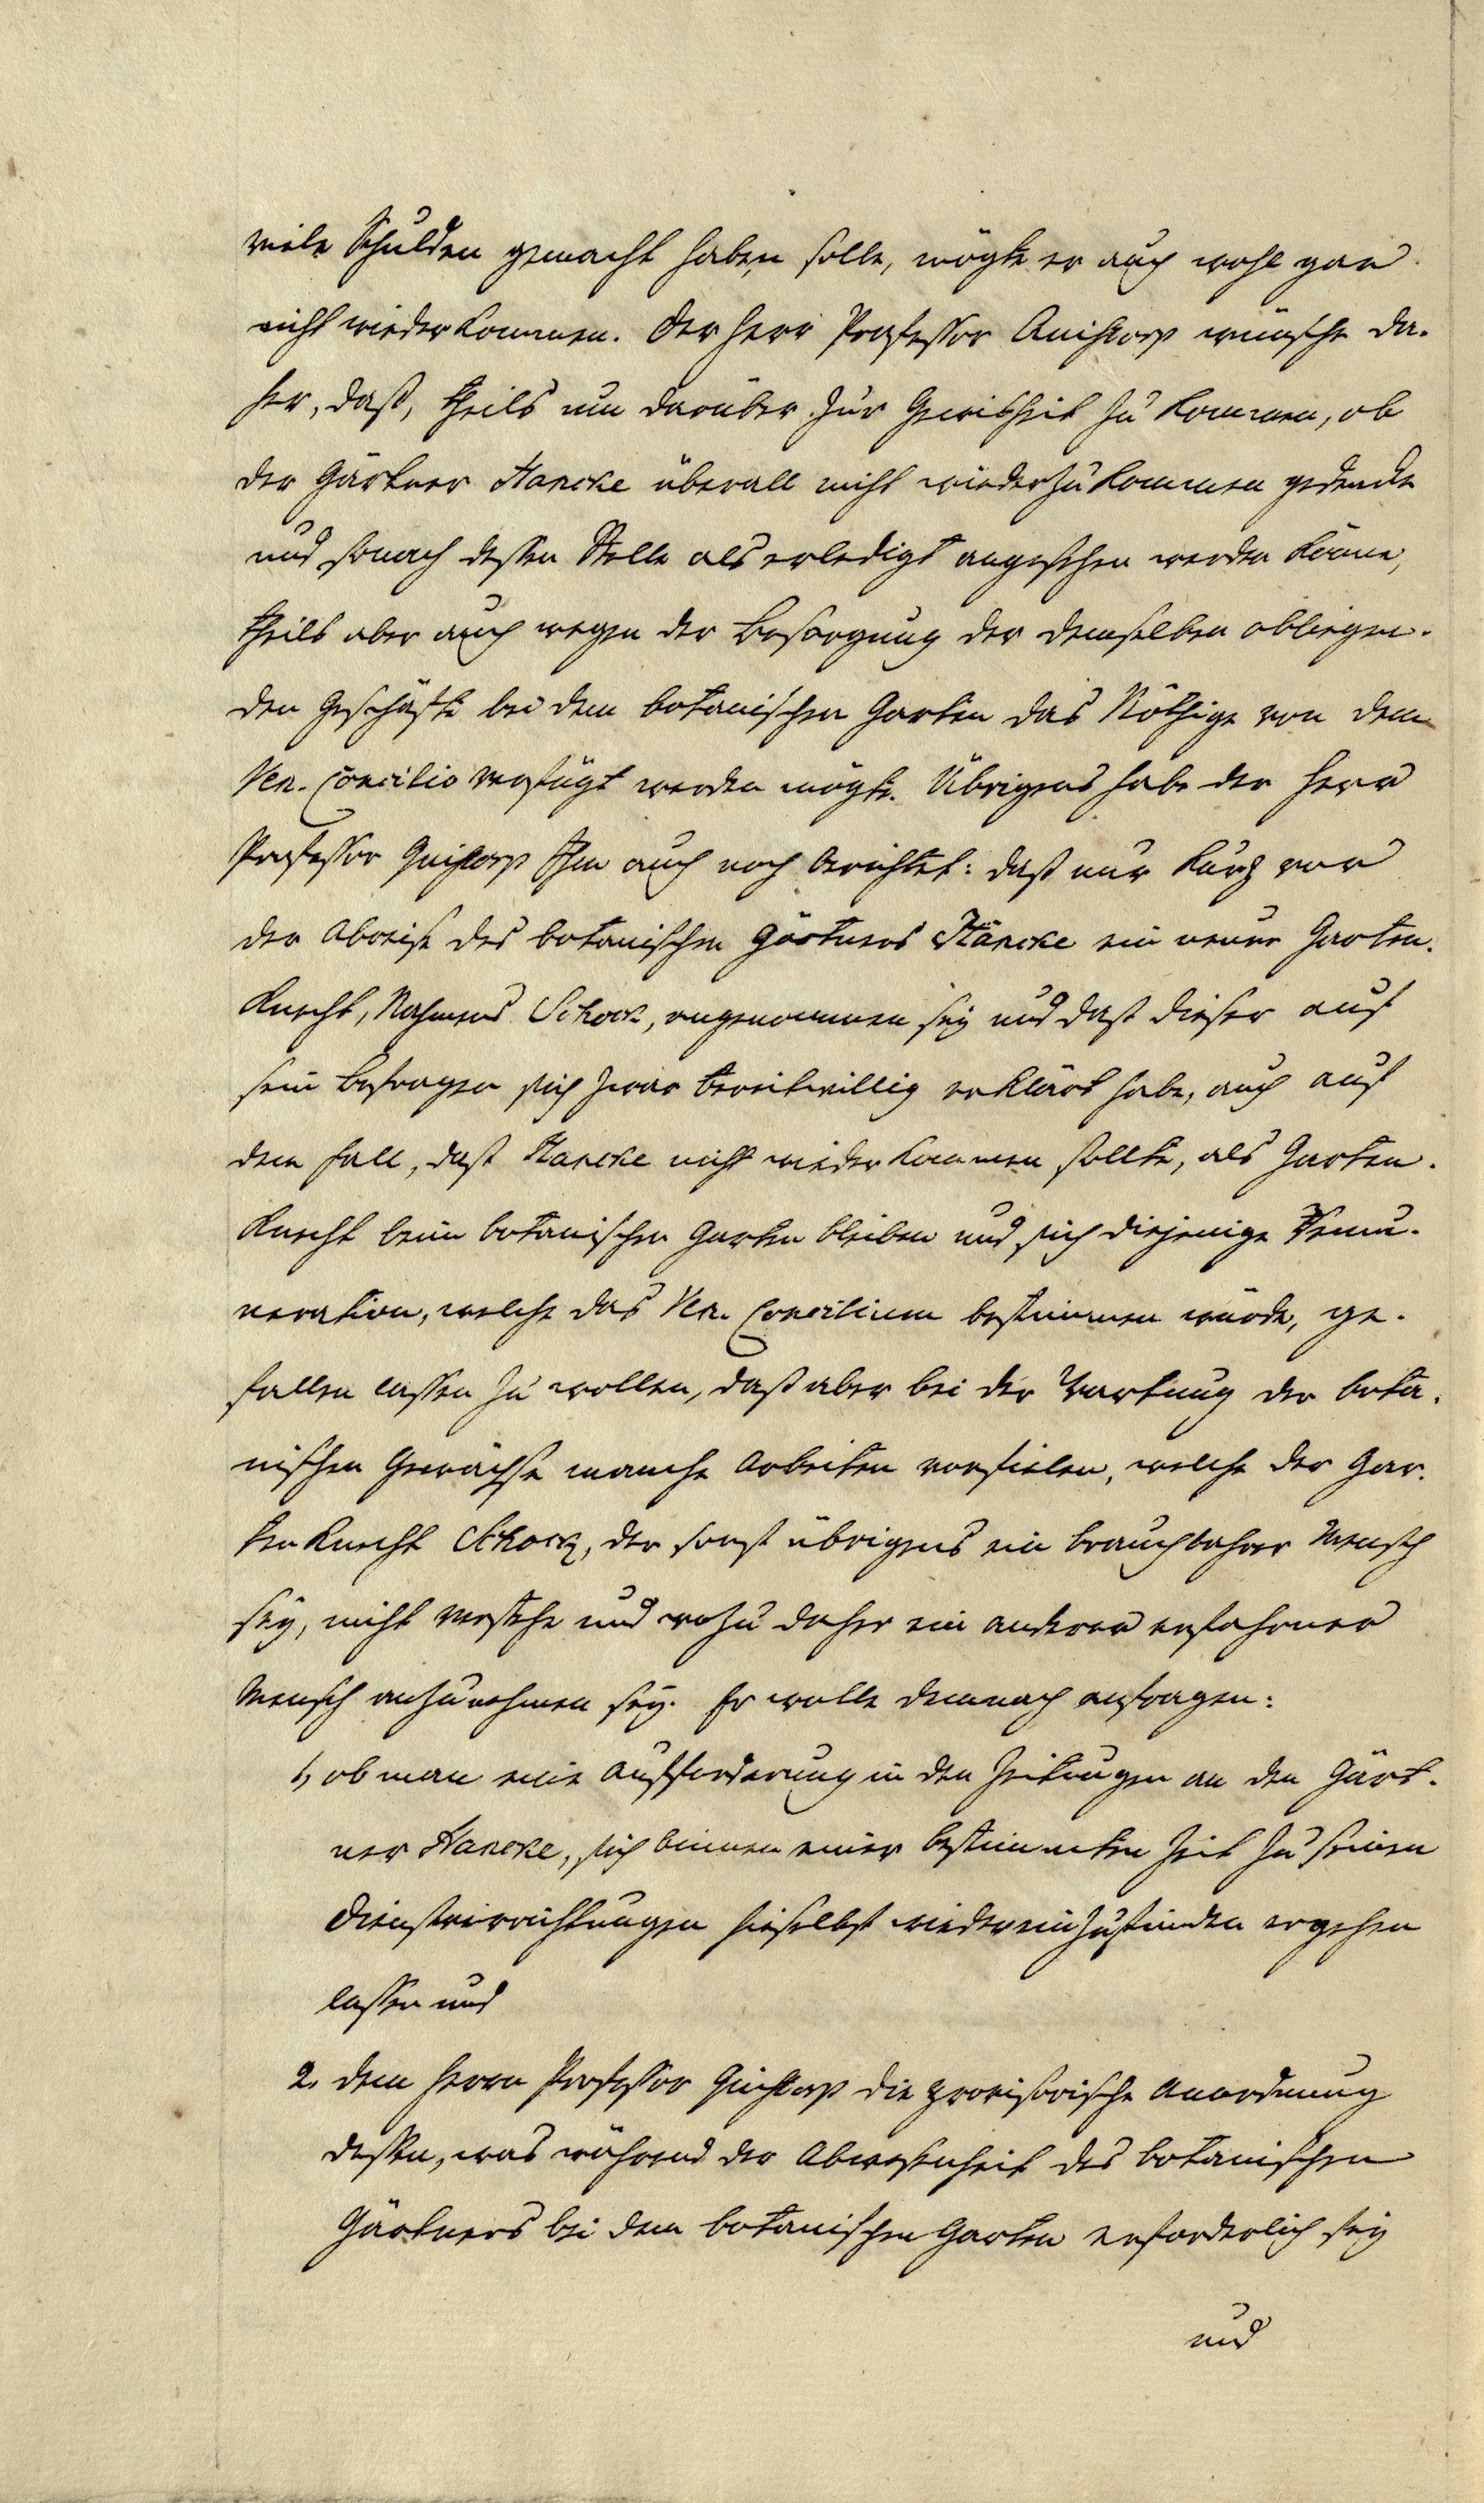viele Schulden gemacht haben solle, mögte er auch wohl gar
nicht wiederkommen. Der Herr Professor Quistorp wünsche da¬
her, daß, theils um darüber zur Gewisheit zu kommen, ob
der Gärtner Hancke überall nicht wiederzukommen gedencke
und sonach dessen Stelle als erledigt angesehen werden könne,
theils aber auch wegen der Besorgung der demselben obliegen¬
den Geschäfte bei dem botanischen Garten das Nöthige von dem
Ven. Concilio verfügt werden mögte. Übrigens habe der Herr
Professor Quistorp Ihm auch noch berichtet: daß nur kurz vor
der Abreise des botanischen Gärtners Hancke ein neuer Garten¬
knecht, Nahmens Schock, angenommen seÿ und daß dieser auf
sein Befragen sich zwar bereitwillig erklärt habe, auch auf
dem Fall, daß Hancke nicht wiederkommen sollte, als Garten¬
knecht beim botanischen Garten bleiben und sich diejenige Remu¬
neration, welche das Ven. Concilium bestimmen würde, ge¬
fallen lassen zu wollen, daß aber bei der Wartung der bota¬
nischen Gewächse manche Arbeiten vorfielen, welche der Gar¬
tenknecht Schock, der sonst übrigens ein brauchbahrer Mensch
seÿ, nicht verstehe und wozu daher ein anderer erfahrner
Mensch anzunehmen seÿ. Er wolle demnach anfragen:
1, ob man eine Aufforderung in den Zeitungen an den Gärt¬
ner Hancke, sich binnen einer bestimmten Zeit zu seinen
Dienstverrichtungen hieselbst wiedereinzufinden ergehen
lassen und
2. dem Herrn Professor Quistorp die provisorische Anordnung
dessen, was während der Abwesenheit des botanischen
Gärtners bei dem botanischen Garten erforderlich seÿ
und